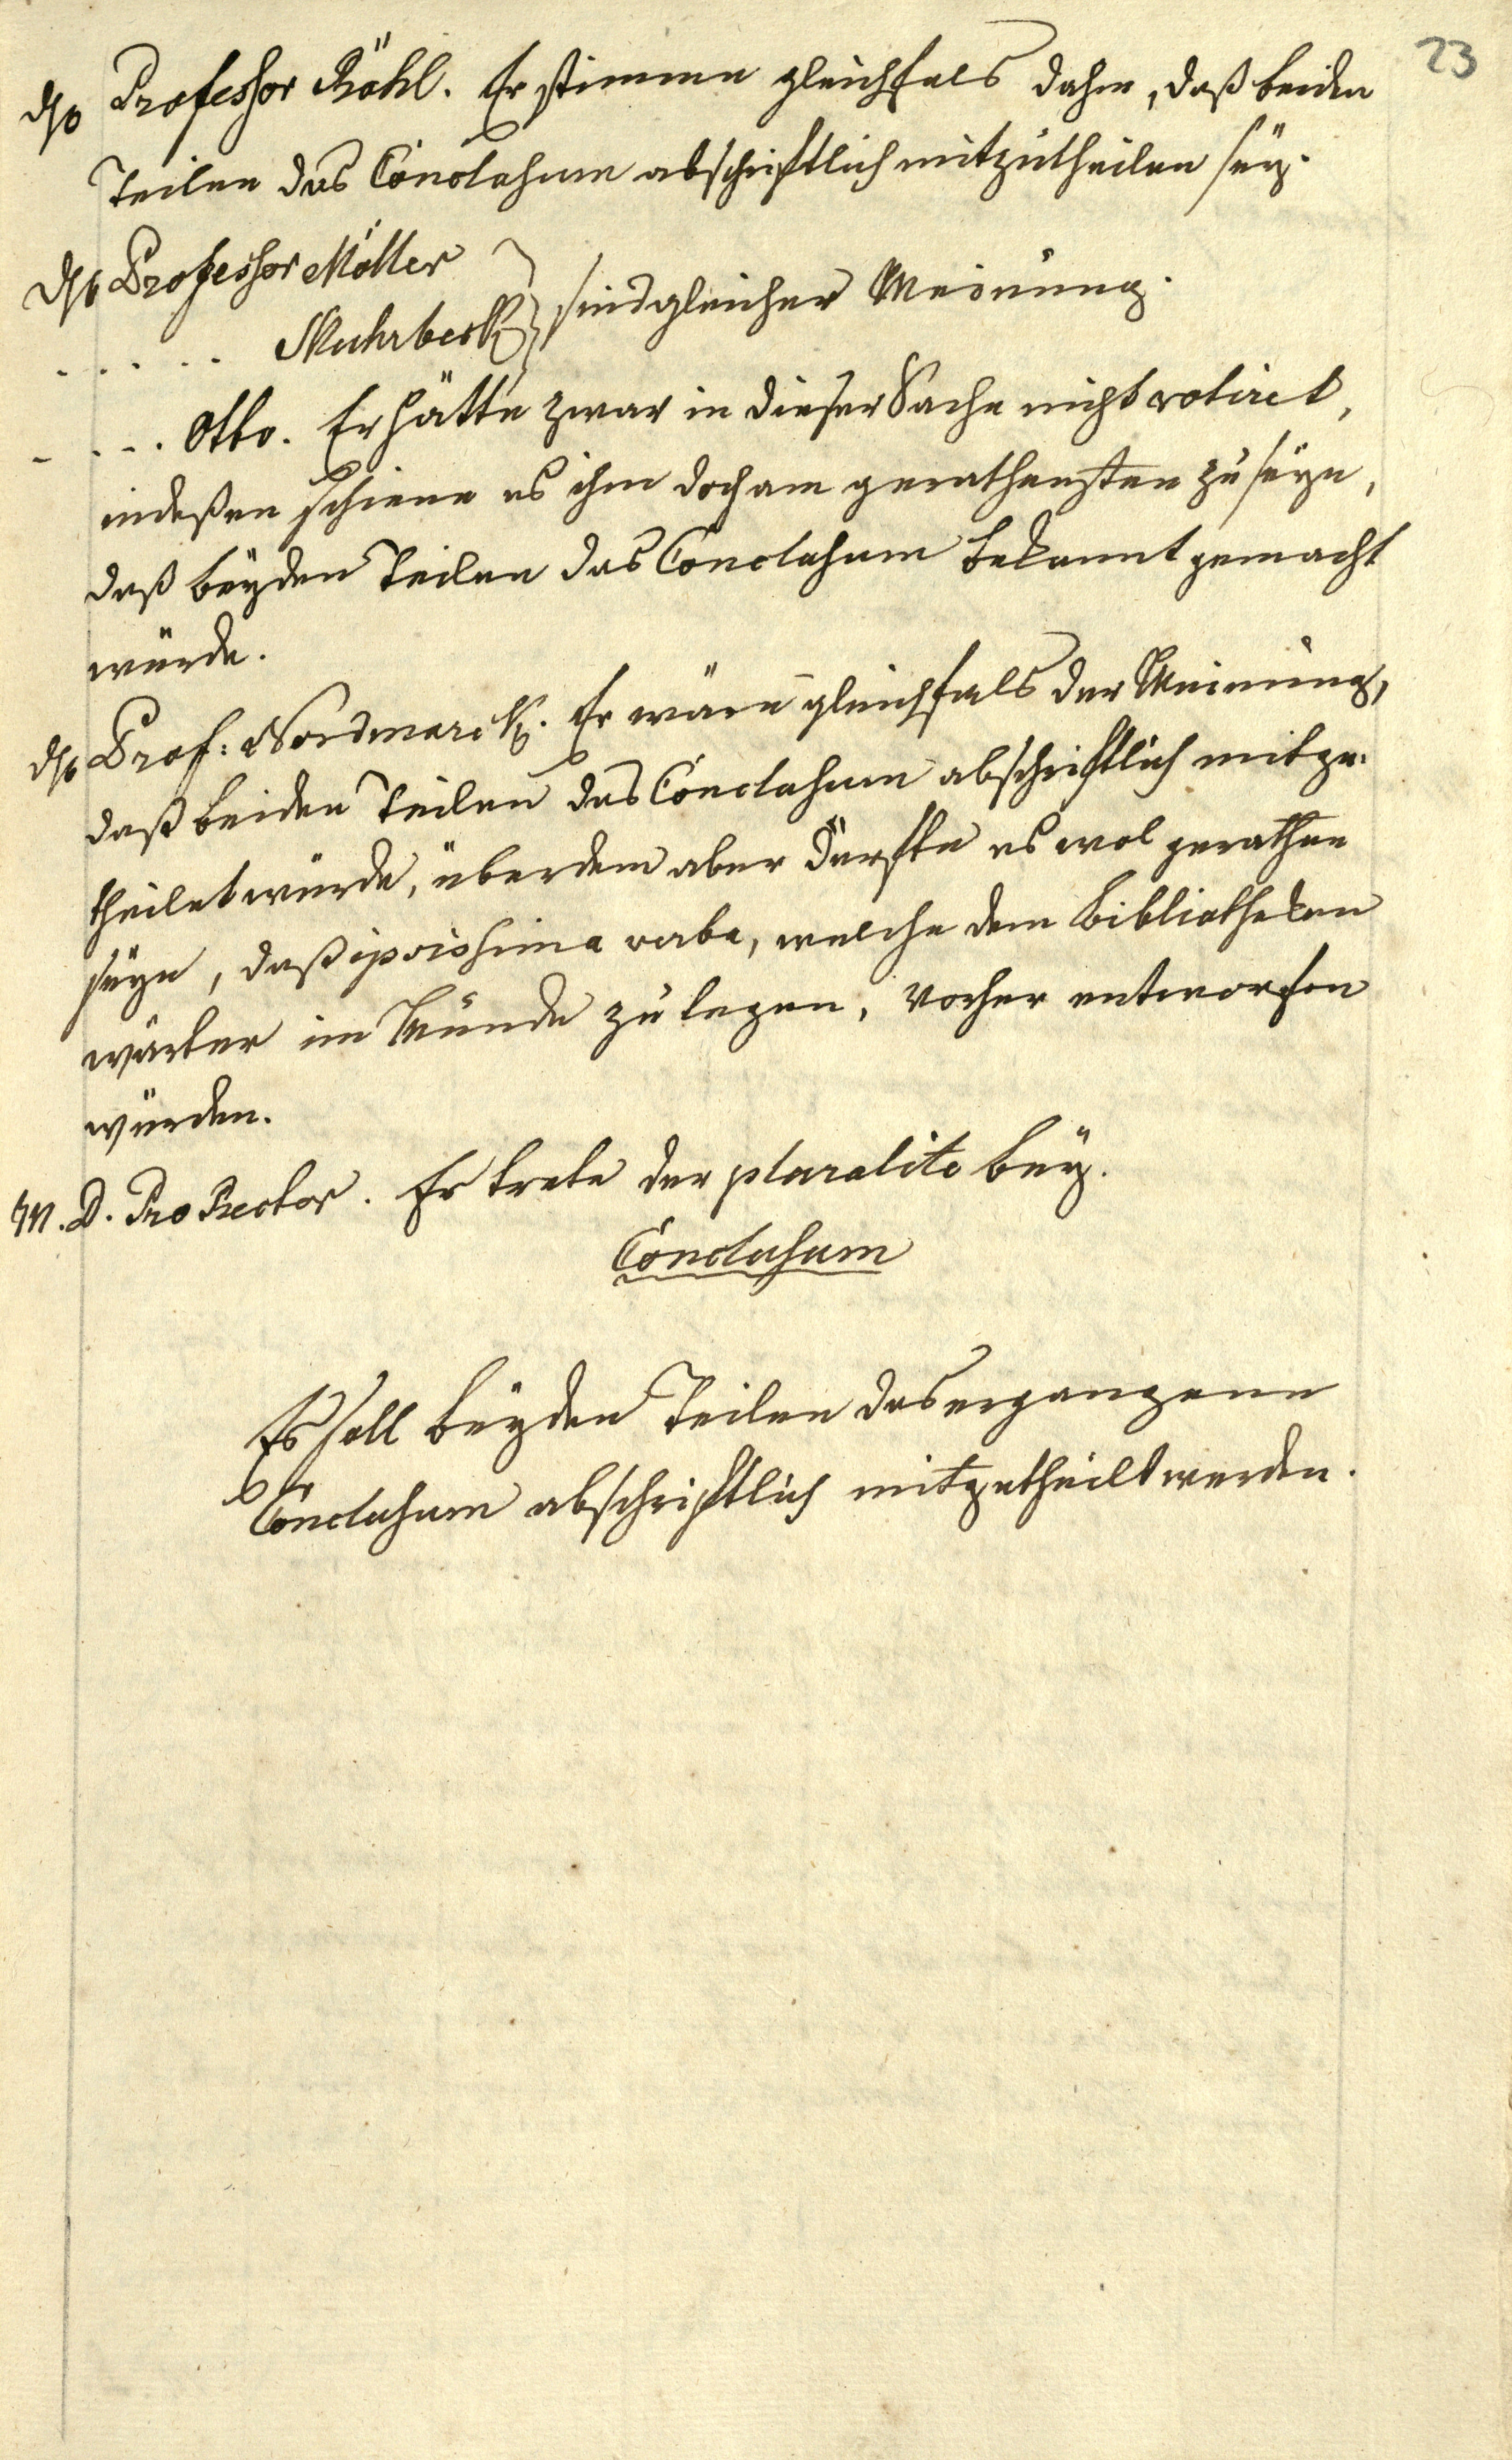dh Professor Röhl. Er stimme gleichfals dahin, daß beiden
Teilen das Conclusum abschriftlich mitzutheilen seÿ.
dh Professor Möller
Muhrbeck sind gleicher Meinung.
Otto. Er hätte zwar in dieser Sache nicht votiret
indeßen schiene es ihm doch am gerathensten zu seÿn,
daß beiden Teilen das Conclusum bekannt gemacht
würde.
dh. Prof. Nordmarck . Er wäre gleichfals der Meinung,
daß beiden Teilen das Conclusum abschriftlich mit¬
theilet würde, überdem aber dürfte es wohl gerathen
seÿn, daß ipsissima verba, welche dem Bibliotheken¬
wärter im Munde zu legen, vorher entworfen
würden.
M. D. der Rector. Er trete der pluralite beÿ.
Conclusum
Es soll beÿden Teilen das ergangene
Conclusum abschriftlich mitgetheilt werden.